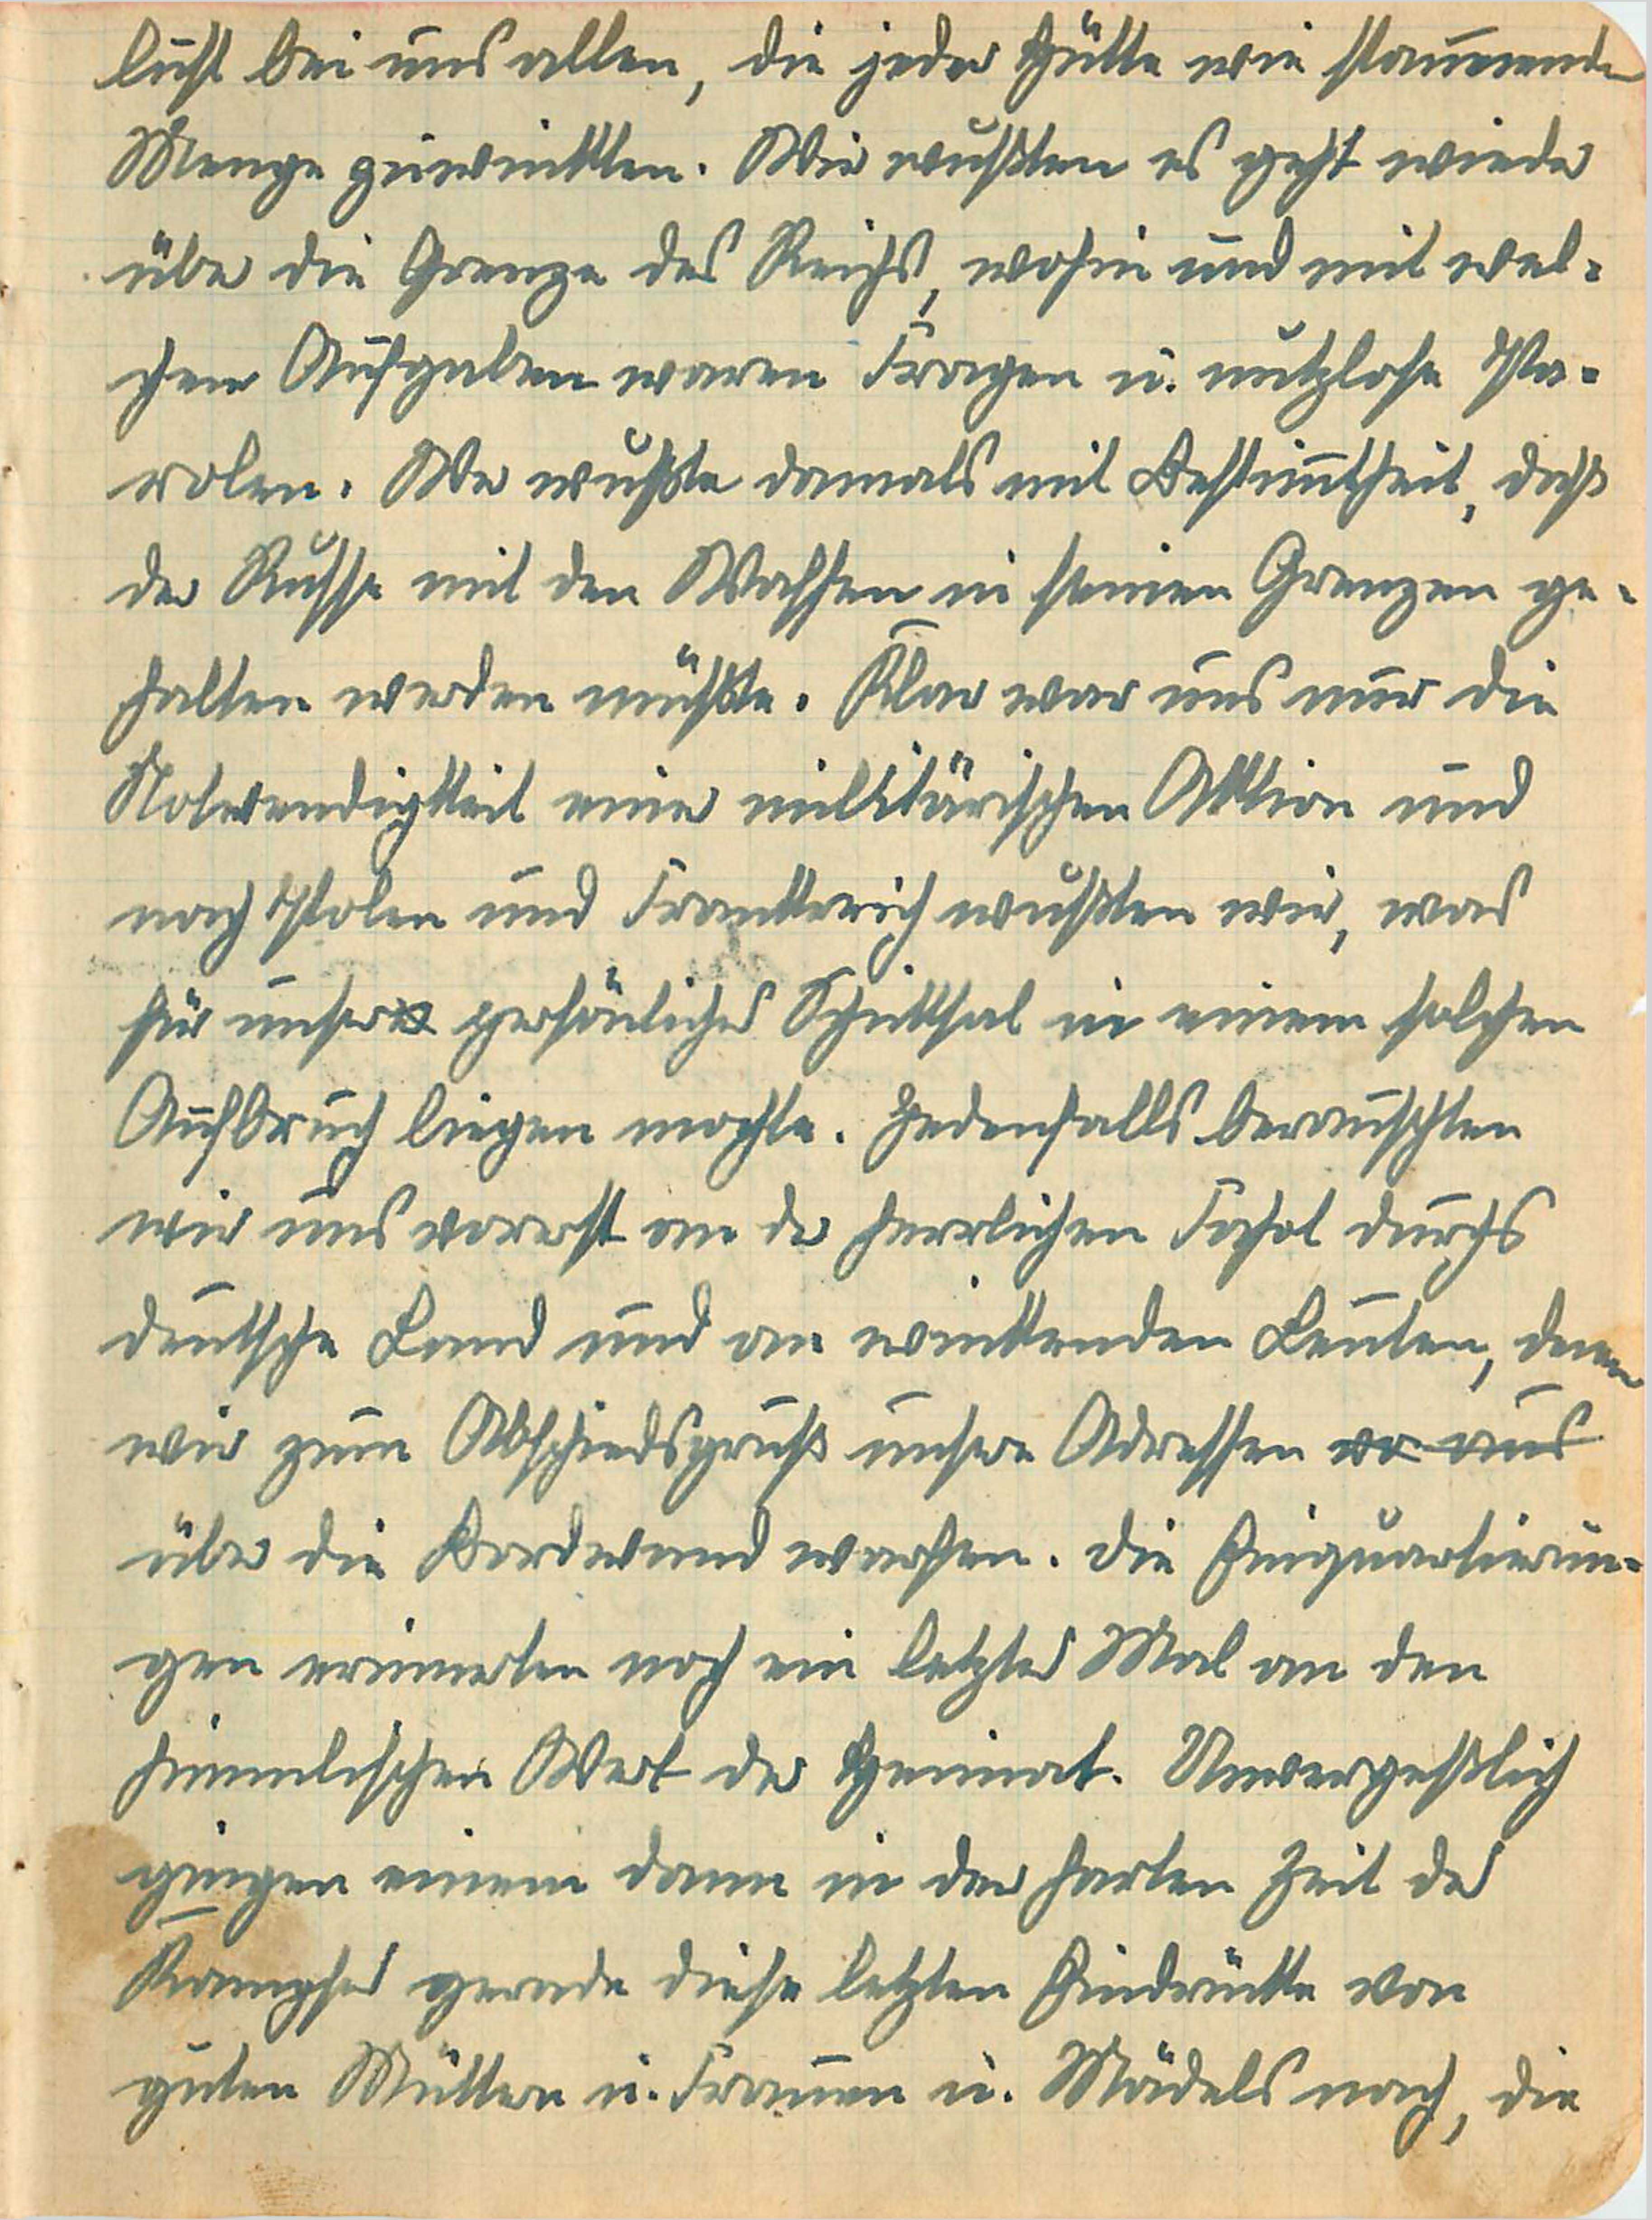lust bei uns allen, die jeder Hütte wie staunender
Menge zuwinkten. Wir wußten es geht wieder
über die Grenze des Reichs, wohin und mit wel-
chen Aufgaben waren Fragen u. nutzlose Pa-
rolen. Wer wußte damals mit Bestimmtheit, daß
der Russe mit den Waffen in seinen Grenzen ge-
halten werden müßte. Klar war uns nur die
Notwendigkeit einer militärischen Aktion und
nach Polen und Frankreich wußten wir, was
für unseren persönliches Schicksal in einem solchen
Aufbruch liegen mochte. Jedenfalls berauschten
wir uns vorerst an der herrlichen Fahrt durchs
deutsche Land und an winkenden Leuten, denen
wir zum Abschiedsgruß unsere Adressen vo aus
über die Bordwand warfen. Die Einquartierun-
gen erinnerten noch ein letztes Mal an den
himmlischen Wert der Heimat. Unvergeßlich
gingen einem dann in der harten Zeit des
Kampfes gerade diese letzten Eindrücke von
guten Müttern u. Frauen u. Mädels nach, die